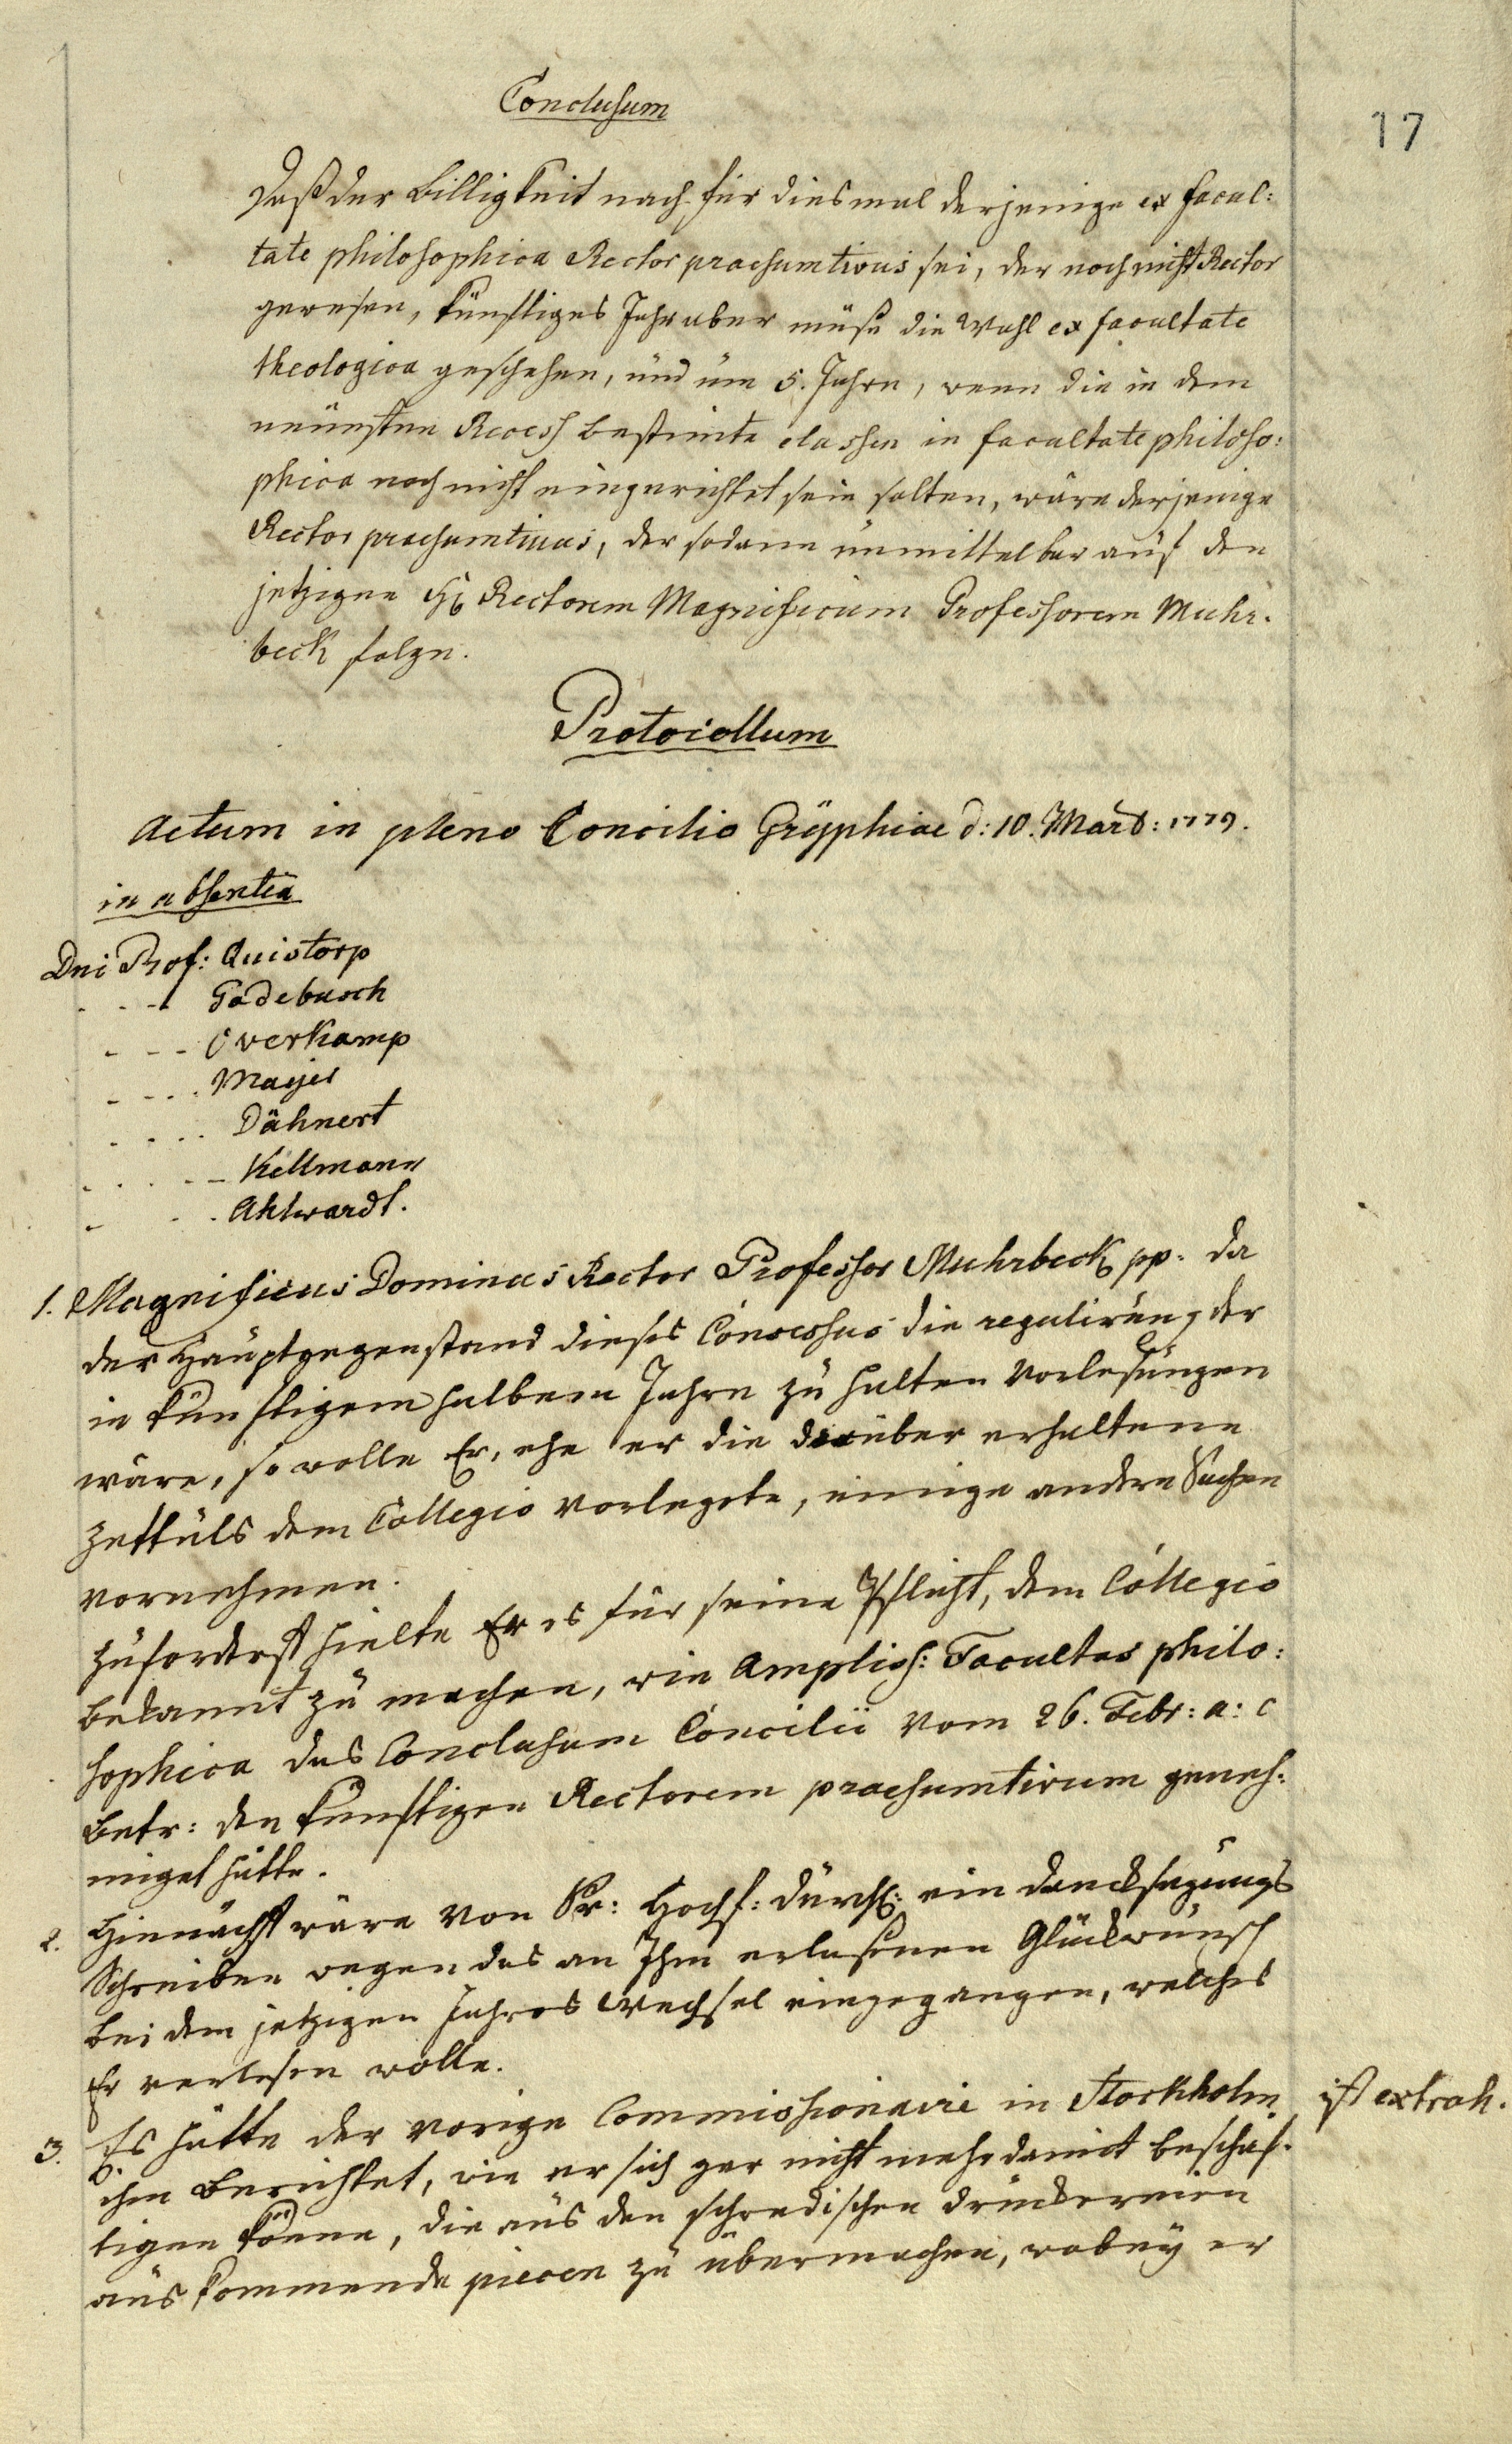Conclusum
Daß der Billigkeit nach für diesmal derjenige ex facul¬
tate philosophica Rector praesumtivus sei, der noch nicht Rector
gewesen, künftiges Jahr aber müße die Wahl ex facultate
theologica geschehen, und um 5. Jahre, wenn die in dem
neuesten Recess bestimte classen in facultate philoso¬
phica noch nicht eingerichtet sein solten, wäre derjenige
Rector praesumtivus, der sodann unmittelbar auf den
jetzigen H. Rectorem Magnificum Professorem Muhr¬
beck folge.
Protocollum
Actum in pleno Concilio Grÿphiae d. 10. Mart 1779.
in absentia
Dni Prof. Quistorp
Gadebusch
Overkamp
Maÿer
Dähnert
Kellmann
Ahlwardt.
1. Magnificus Dominus Rector Professor Muhrbeck pp. da
der Hauptgegenstand dieses Consessus die regulirung der
in künftigem halbem jahre zu halten Vorlesungen
wäre, so wolle Er, ehe er die darüber erhaltene
Zettuls dem Collegio vorlegete, einige andere Sachen
vornehmen.
Zuförderst hielte Er es für seine Pflicht, dem Collegio
bekannt zu machen, wie Ampliss. Facultas philo¬
sophica das Conclusum Concilii vom 26. Febr. a. c.
betr. den künftigen Rectorem praesumtivum geneh¬
miget hätte.
2. Hienächst wäre von Sr Hochs. Durchl ein Dancksagungs¬
Schreiben wegen des an Ihm erlaßenen Glückwunsch
bei dem jetzigen Jahreswechsel eingegangen, welches
Er verlesen wolle.
3. Es hätte der vorige Commissionaire in Stockholm
ihm berichtet, wie er sich gar nicht mehr damit beschäf¬
tigen könne, die aus den schwedischen Druckereien
auskommende piecen zu übermachen, wobeÿ er